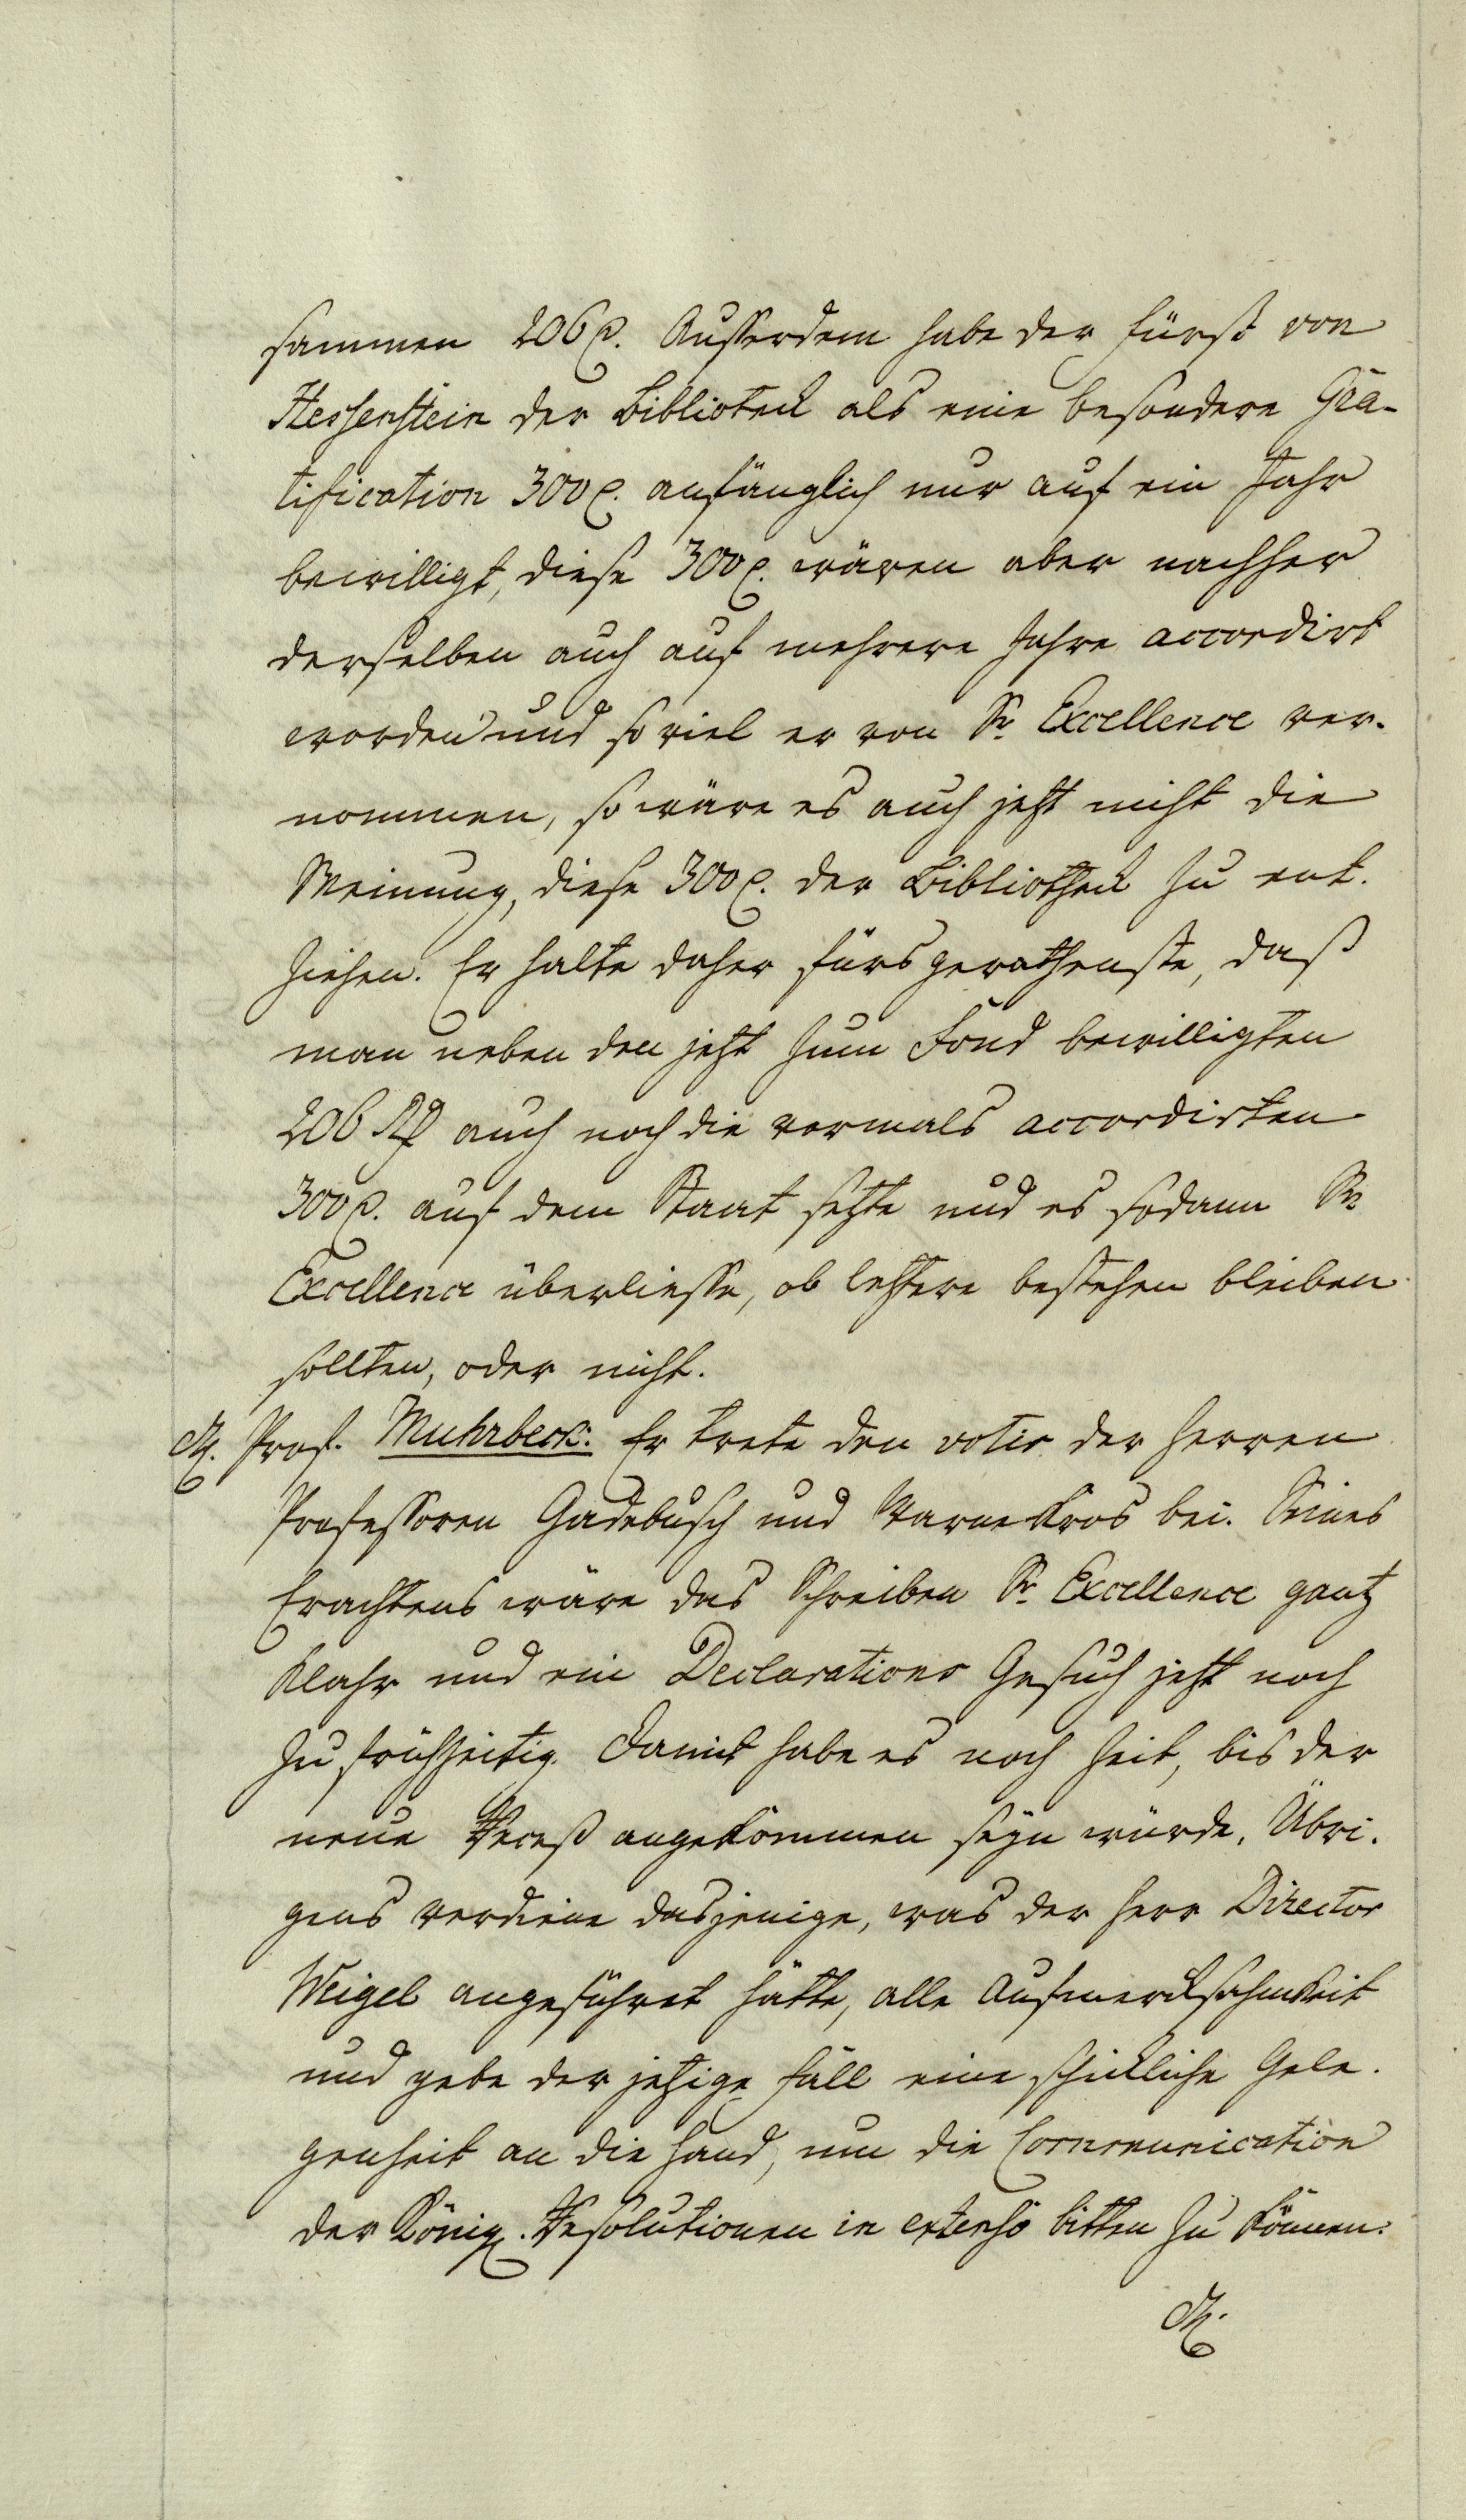sammen 200 rtl. Ausserdem habe der Fürst von
Hechenstein der Bibliotek als eine besondere Gra¬
tification 300 rtl. anfänglich nur auf ein Jahr
bewilligt, diese 300 rtl. wären aber nachher
derselben auch auf mehrer jahre accordirt
worden und so viel er von Sr. Excellence ver¬
nommen, so wäre es auch jetzt nicht die
Meinung, diese 300 rtl. der Bibliothek zu ent¬
ziehen. Er halte daher fürs gerathenste, daß
man neben den jetzt zum Fond bewilligten
200 rtl auch noch die vormals accordirten
300 rtl. auf dem Staat setzte und es sodann Sr.
Excellence überliesse, ob letztere bestehen bleiben
sollten, oder nicht.
dh. Prof. Muhrbeck: Er trete den votis der Herren
Professoren gadebusch und Warneckros bei. Seines
Erachtens wäre das Schreiben Sr. Excellence gantz
klahr und ein Declarations Gesuch jetzt noch
zu frühzeitig. Damit habe es noch zeit, bis der
neue Receß angekommen seÿn würde. Übri¬
gens verdiene dasjenige, was der Herr Director
Weigel angeführt hätte, alle Aufmerksamkeit
und gebe der jetzige Fall eine schickliche Gele¬
genheit an die Hand, um die Communication
der Königl. Resolutionen in extenso bitten zu können.
dh.